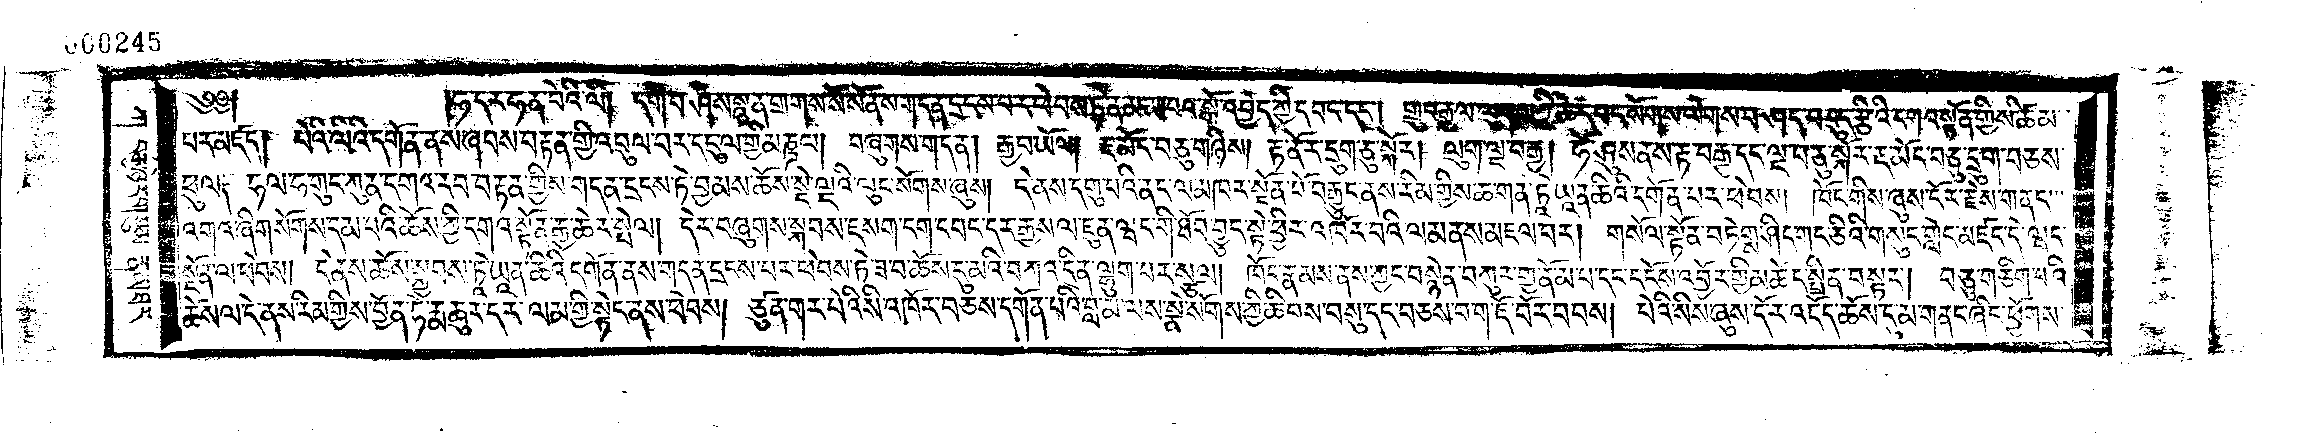༄༅། །ཧ་དར་ཧན་པེའི་ལི། དགེ་བཤེས་སྙན་གྲགས་སོ་སོ་ནས་གདན་དྲངས་པར་ཕེབས་ཏེ་ནམ་མཁའ་སྒོ་འབྱེད་ཀྱི་དབང་དང་། གྲུབ་རྒྱལ་ལུགས་ཀྱི་ཚེ་དབང་སོགས་ལེགས་བཤད་བདུད་རྩིའི་དགའ་སྟོན་གྱིས་ཚིམ་
པར་མཛད། པེའི་ལིའི་དགོན་ནས་ཞབས་བརྟན་གྱི་འབུལ་བར་དངུལ་གྱི་མཎྜལ། བཞུགས་གདན། རྒྱབ་ཡོལ། རྔ་མོང་བཅུ་གཉིས། རྟ་ནོར་དྲུག་ཅུ་སྐོར། ལུག་ལྔ་བརྒྱ། ཧོ་ཤུས་ནས་རྟ་བརྒྱ་དང་ལྔ་བཅུ་སྐོར་རྔ་མོང་བཅུ་དྲུག་བཅས་
ཕུལ༑ ཧལ་ཧ་གུང་ཀུན་དགའ་རབ་བརྟན་གྱིས་གདན་དྲངས་ཏེ་བྱམས་ཆོས་སྡེ་ལྔའི་ལུང་སོགས་ཞུས། དེ་ནས་དགུ་པའི་ནང་ལ་མཁར་སྔོན་པོ་བརྒྱུད་ནས་རིམ་གྱིས་ཆ་གན་ཏE་ཡཱན་ཆིའི་དགོན་པར་ཕེབས། ཁོང་གིས་ཞུས་ངོར་རྗེས་གནང་
འགའ་ཞིག་སོགས་ངམ་པའི་ཆོས་ཀྱི་དགའ་སྟོན་རྒྱ་ཆེར་སྤེལ། དེར་བཞུགས་སྐབས་ཇ་སག་ངག་དབང་དར་རྒྱས་ལ་ཇུན་ཝང་གི་ཐོབ་བྱུང་སྟེ་ཕྱིར་འཁོར་བའི་ལམ་ནས་མཇལ་བར། གསོལ་སྟོན་བཏེགས་ཤིང་གང་ཅིའི་གསུང་གླེང་མཛད་དེ་ཝང་
སྔོན་ལ་ཕེབས། དེ་ནས་ཆོས་སྐྱབས་ཏE་ཡཱན་ཆིའི་དགོན་ནས་གདན་དྲངས་པར་ཕེབས་ཏེ་ཟབ་ཆོས་དུ་མའི་བཀའ་དྲིན་ལྷུག་པར་སྩལ། ཁོང་རྣམས་ནས་ཀྱང་བསྙེན་བཀུར་གྱ་ནོམ་པ་དང་དངོས་འབྱོར་གྱི་མཆོད་སྤྲིན་བསྟར། བཅུ་གཅིག་པའི་
ཚེས་ལ་དེ་ནས་རིམ་གྱིས་བྱོན་ཏེ་རྨ་ཆུར་དར་ལམ་གྱི་སྟེང་ནས་ཕེབས། ཙུན་གར་པེའི་སི་འཁོར་བཅས་དགོན་པའི་བླ་མ་ལས་སྣེ་སོགས་ཀྱི་ཆི་བས་བསུ་དང་བཅས་བག་ཇེ་བོར་བབས། པེའི་སིས་ཞུས་ངོར་འདོད་ཆོས་དུ་མ་གནང་ཞིང་ཕྱོགས་